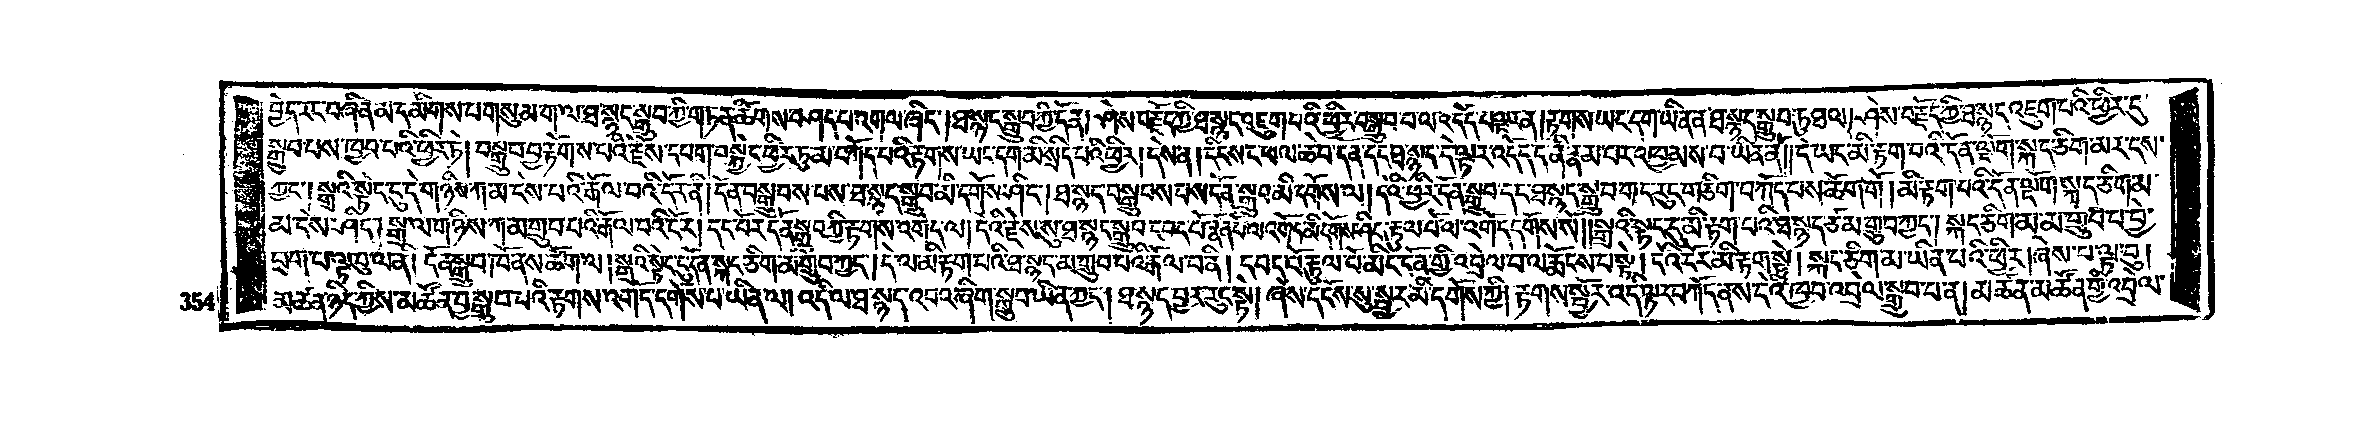བྱེད་རང་བཞིན་མ་དམིགས་པ་གསུམ་ག་ལ་ཐ་སྙད་སྒྲུབ་ཀྱི་གཏན་ཚིགས་བཤད་པ་འགལ་ཞིང་། ཐ་སྙད་སྒྲུབ་ཀྱི་དོན། ཤེས་བརྗོད་ཀྱི་ཐ་སྙད་འཇུག་པའི་ཕྱིར་བསྒྲུབ་པ་ལ་འདོད་པ་ལྟར་ན། རྟགས་ཡང་དག་ཡིན་ན་ཐ་སྙད་སྒྲུབ་ཏུ་ཐལ། ཤེས་བརྗོད་ཀྱི་ཐ་སྙད་འཇུག་པའི་ཕྱིར་དུ་
སྒྲུབ་པས་ཁྱབ་པའི་ཕྱིར་ཏེ། བསྒྲུབ་བྱ་རྟོགས་པའི་རྗེས་དཔག་བསྐྱེད་ཕྱིར་ཏུ་མ་བཀོད་པའི་རྟགས་ཡང་དག་མི་སྲིད་པའི་ཕྱིར། དེས་ན། དེང་སང་ཕལ་ཆེ་བ་དོན་དང་ཐ་སྙད་དེ་ལྟར་འདོད་པ་ནི་རྣམ་པར་འཁྱམས་པ་ཡིན་ནོ། །དེ་ཡང་མི་རྟག་པའི་དོན་ལྡོག་སྐད་ཅིག་མར་ངེས་
ཀྱང་། སྒྲའི་སྟེང་དུ་དེ་གཉིས་ཀ་མ་ངེས་པའི་རྒོལ་བའི་དོར་ནི། དོན་བསྒྲུབས་པས་ཐ་སྙད་སྒྲུབ་མི་དགོས་ཤིང་། ཐ་སྙད་བསྒྲུབས་པས་དོན་སྒྲུབ་མི་དགོས་ལ། དེའི་ཕྱིར་དོན་སྒྲུབ་དང་ཐ་སྙད་སྒྲུབ་གང་རུང་གཅིག་བཀོད་པས་ཆོག་གོ །མི་རྟག་པའི་དོན་ལྡོག་སྐད་ཅིག་མ་
མ་ངེས་ཤིང་། སྒྲ་ལ་གཉིས་ཀ་མ་གྲུབ་པའི་རྒོལ་བའི་ངོར། དང་པོར་དོན་སྒྲུབ་ཀྱི་རྟགས་འགོད་ལ། དེའི་རྗེས་སུ་ཐ་སྙད་སྒྲུབ་དབང་པོ་རྣོན་པོ་ལ་འགོད་མི་དགོས་ཤིང་རྟུལ་པོ་ལ་འགོད་དགོས་སོ། །སྒྲའི་སྟེང་དུ་མི་རྟག་པའི་ཐ་སྙད་ཙམ་གྲུབ་ཀྱང་། སྐད་ཅིག་མ་མ་གྲུབ་པ་བྱེ་
བྲག་པ་ལྟ་བུ་ལ་ནི། དོན་སྒྲུབ་ཁོ་ནས་ཆོག་ལ། སྒྲའི་སྟེང་དུ་དོན་སྐད་ཅིག་མ་གྲུབ་ཀྱང་། དེ་ལ་མི་རྟག་པའི་ཐ་སྙད་མ་གྲུབ་པའི་རྒོལ་བ་ནི། དབང་པོ་རྟུལ་པོ་མིང་དོན་གྱི་འབྲེལ་བ་ལ་རྨོངས་པ་སྟེ། དེའི་ངོར་མི་རྟག་སྟེ། སྐད་ཅིག་མ་ཡིན་པའི་ཕྱིར། ཞེས་པ་ལྟ་བུ།
མཚན་ཉིད་ཀྱིས་མཚོན་བྱ་སྒྲུབ་པའི་རྟགས་འགོད་དགོས་པ་ཡིན་ལ། འདི་ལ་ཐ་སྙད་འབའ་ཞིག་སྒྲུབ་ཡིན་ཀྱང་། ཐ་སྙད་བྱར་རུང་སྟེ། ཞེས་དངོས་སུ་སྦྱར་མི་དགོས་ཀྱི། རྟགས་སྦྱོར་འདི་ལྟར་བཀོད་ནས་དེའི་ཁྱབ་འབྲེལ་སྒྲུབ་པ་ན། མཚན་མཚོན་གྱི་འབྲེལ་